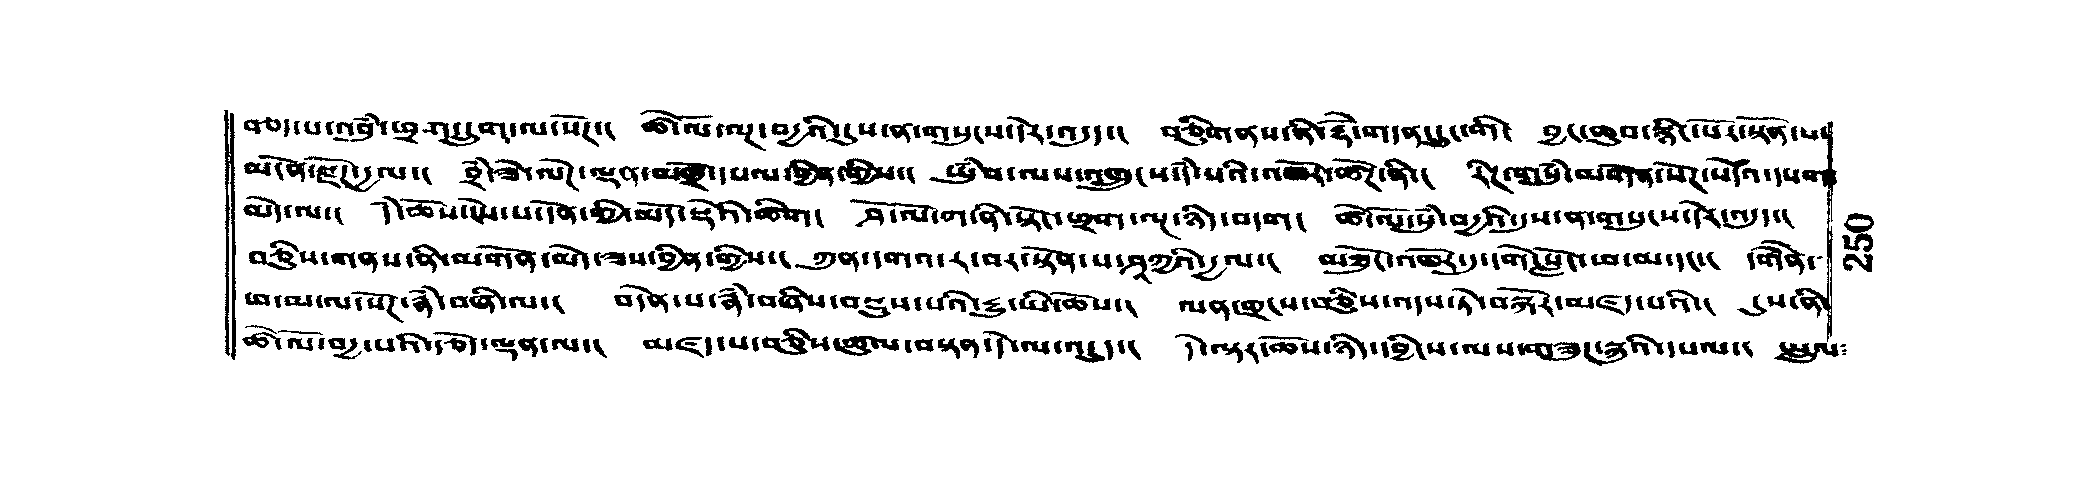བཅད་པ་འབུམ་ཕྲག་དྲུག་ལ་སོགས། །ཚེ་ལོ་ལྔ་བརྒྱའི་དུས་ན་གསུངས་དེར་འདུད། །བཅུ་གཅིག་གནས་ནི་རྡོ་རྗེ་གདན་དྲུང་གི །བྱང་ཆུབ་སྙིང་པོར་སྟོན་པ་
མངོན་རྫོགས་རྒྱལ། །བྲམ་ཟེ་ལེགས་ལྡན་མཁའ་འགྲོ་དཔལ་བྱིན་གྱིས། །ཡབ་ཡུམ་ལས་འཁྲུངས་དམ་པའི་འཁོར་ཚོགས་ནི། །རིགས་གསུམ་མགོན་སོགས་སེམས་དཔའ་དཔག་
མེད་ལ། །དམ་ཆོས་ངེས་པ་དོན་གྱི་མདོ་སྡེའི་ཚིག །ཤོ་ལོ་ཀ་ནི་སྟོང་ཕྲག་ལྔ་ཉིད་བདག །ཚེ་ལོ་སུམ་བརྒྱའི་དུས་ན་གསུངས་དེར་འདུད། །
བཅུ་གཉིས་གནས་ནི་མགོན་མེད་ཟས་བྱིན་གྱིས། །ཀུན་དགའ་ར་བར་སྟོན་པ་ཤཱཀྱའི་རྒྱལ། །ཐུན་མོང་འཁོར་དུ་དགེ་སློང་ཕ་མ་དང་། །དགེ་བསྙེན་
ཕ་མ་ལ་སོགས་རྣམ་བཞི་ལ། །བདེན་པ་རྣམ་བཞིས་བསྡུས་པའི་རྒྱུ་ཡི་ཆོས། །ལན་གྲངས་བཅུ་གཉིས་འདས་ཏེ་བསྐོར་མཛད་པའི། །དུས་ནི་
ཚེ་ལོ་བརྒྱ་པའི་རྩོད་ལྡན་ལ། །མཛད་པ་བཅུ་གཉིས་ཚུལ་བསྟན་དེ་ལ་འདུད། །དེ་ལྟར་ཆོས་ཉིད་དབྱིངས་ལས་གཟུགས་སྐུའི་དཔལ། །སྤྲུལ་